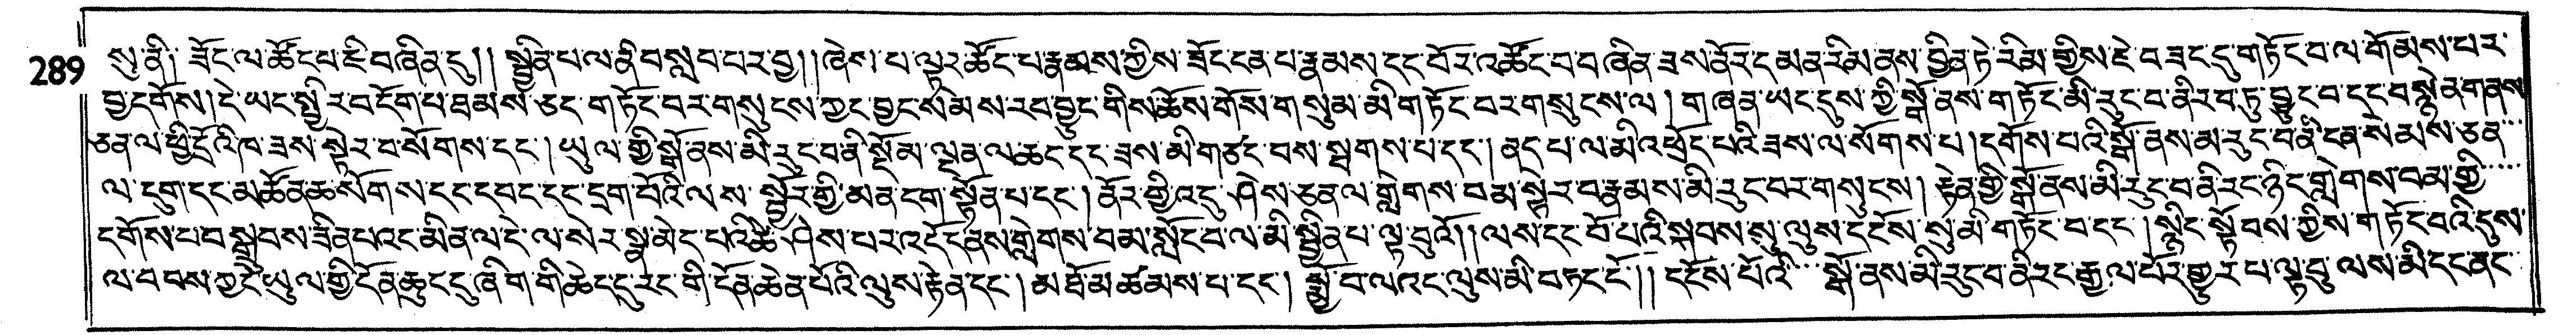སུ་ནི༑ ཟོང་ལ་ཚོང་པ་ཇི་བཞིན་དུ། །སྦྱིན་པ་ལ་ནི་བསླབ་པར་བྱ། །ཞེས་པ་ལྟར་ཚོང་པ་རྣམས་ཀྱིས་ཟོང་ངན་པ་རྣམས་དང་པོར་འཚོང་བ་བཞིན་ཟས་ནོར་དམན་རིམ་ནས་བྱིན་ཏེ་རིམ་གྱིས་ཇེ་བཟང་དུ་གཏོང་བ་ལ་གོམས་པར་
བྱ་དགོས། དེ་ཡང་སྤྱིར་བདོག་པ་ཐམས་ཅད་གཏོང་བར་གསུངས་ཀྱང་བྱང་སེམས་རབ་བྱུང་གིས་ཆོས་གོས་གསུམ་མི་གཏོང་བར་གསུངས་ལ། གཞན་ཡང་དུས་ཀྱི་སྒོ་ནས་གཏོང་མི་རུང་བ་ནི་རབ་ཏུ་བྱུང་བ་དང་བསྙེན་གནས་
ཅན་ལ་ཕྱི་དྲོའི་ཁ་ཟས་སྟེར་བ་སོགས་དང་། ཡུལ་གྱི་སྒོ་ནས་མི་རུང་བ་ནི་སྡོམ་ལྡན་ལ་ཆང་དང་ཟས་མི་གཙང་བས་སྦགས་པ་དང་། ནད་པ་ལ་མི་འཕྲོད་པའི་ཟས་ལ་སོགས་པ། དགོས་པའི་སྒོ་ནས་མ་རུང་བ་ནི་ངན་སེམས་ཅན་
ལ་དུག་དང་མཚོན་ཆ་སོགས་དང་དབང་དང་དྲག་པོའི་ལས་སྦྱོར་གྱི་མན་ངག་སྟོན་པ་དང་། ནོར་གྱི་འདུ་ཤེས་ཅན་ལ་གླེགས་བམ་སྟེར་བ་རྣམས་མི་རུང་བར་གསུངས། རྟེན་གྱི་སྒོ་ནས་མི་རུང་བ་ནི་རང་ཉིད་གླེགས་བམ་གྱི་
དགོས་པ་བསྒྲུབས་ཟིན་པའང་མིན་ལ་དེ་ལ་སེར་སྣ་མེད་པའི་ཚེ་ཤེས་པར་འདོད་ནས་གླེགས་བམ་སློང་བ་ལ་མི་སྦྱིན་པ་ལྟ་བུའོ། །ལས་དང་པོ་པའི་སྐབས་སུ་ལུས་དངོས་སུ་མི་གཏོང་བ་དང་། སྙིང་སྟོབས་ཀྱིས་གཏོང་བའི་དུས་
ལ་བབས་ཀྱང་ཡུལ་གྱི་དོན་ཆུང་དུ་ཞིག་གི་ཆེད་དུ་རང་གི་དོན་ཆེན་པོའི་ལུས་རྟེན་དང་། མཐོ་མཚམས་པ་དང་། སྨྱོ་བ་ལའང་ལུས་མི་བཏང་ངོ། །དངོས་པོའི་སྒོ་ནས་མི་རུང་བ་ནི་རང་རྒྱལ་པོར་གྱུར་པ་ལྟ་བུ་ལས་མི་དང་ནང་